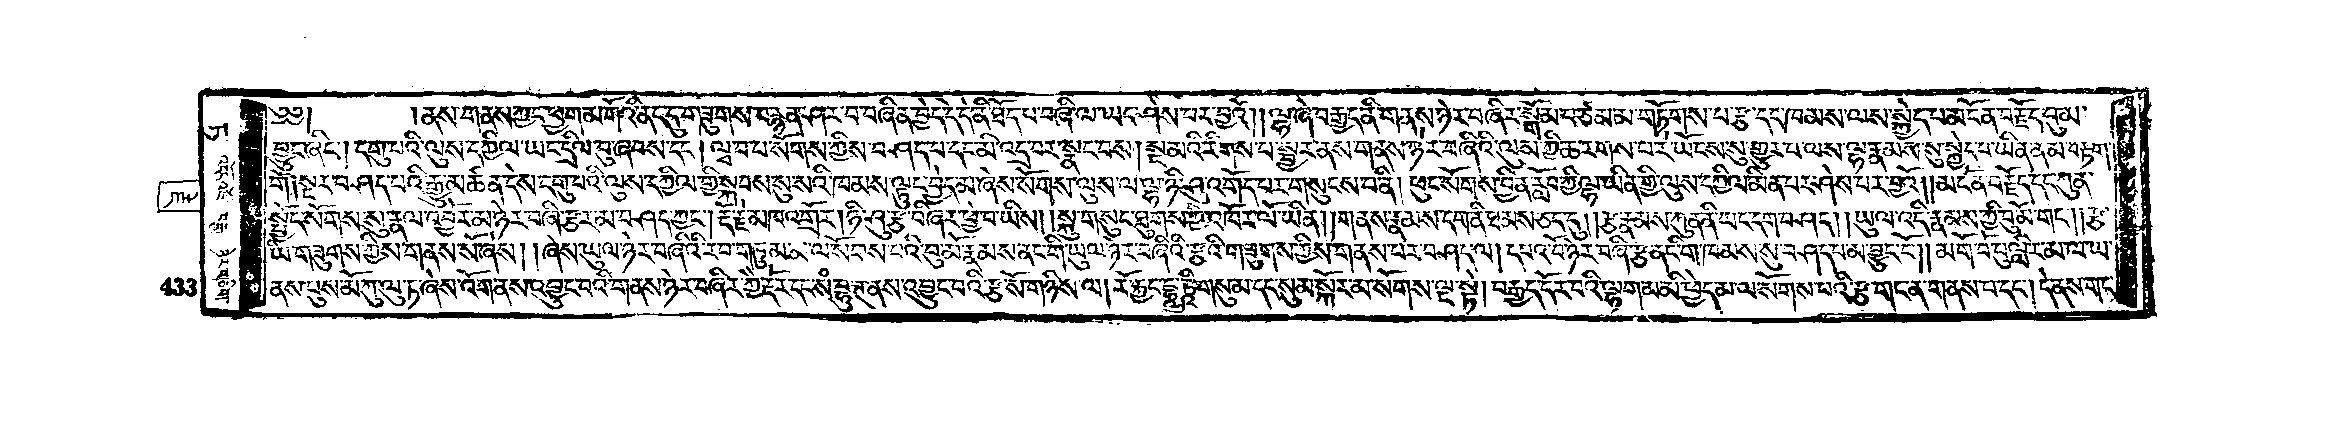༄༅། །ནས་གནས་ཀྱང་ཕྱག་མགོའི་ནང་དུ་གཟུགས་བརྙན་ཤར་བ་བཞིན་བྱེད་དེ་དེ་ནི་ཐོད་པ་བཞི་ལ་ཡང་ཤེས་པར་བྱའོ། །ལྷ་ཞེ་བརྒྱད་ནི་གནས་ཉེར་བཞིར་སྒོམ་པ་ཙམ་མ་གཏོགས་པ་རྩ་དང་ཁམས་ལས་སྐྱེད་པ་མངོན་བརྗོད་དུ་མ་
བྱུང་ཞིང་། དགུ་པའི་ལུས་དཀྱིལ་ཡང་དྲིལ་བུ་ཞབས་དང་། ལྭ་བ་པ་སོགས་ཀྱིས་བཤད་པ་དང་མི་འདྲ་བར་སྣང་བས། སྔ་མའི་རིགས་པ་སྦྱར་ནས་གནས་ཉེར་བཞིའི་ལུས་ཀྱི་ཆ་རགས་པར་ཡོངས་སུ་གྱུར་པ་ལས་ལྷ་རྣམས་སུ་སྐྱེད་པ་ཡིན་ནམ་བརྟག་
གོ །སྔར་བཤད་པའི་རྒྱུ་མཚན་དེས་དགུ་པའི་ལུས་དཀྱིལ་གྱི་སྐབས་སུ་སའི་ཁམས་ལྟུང་བྱེད་མ་ཞེས་སོགས་ལུས་ལ་ལྷ་ཉི་ཤུ་འགོད་པར་གསུངས་པ་ནི། ཕུང་སོགས་བྱིན་རློབ་ཀྱི་ལྷ་ཡིན་གྱི་ལུས་དཀྱིལ་མིན་པར་ཤེས་པར་བྱའོ། །མངོན་བརྗོད་དང་ཀུན་
སྤྱོད་སོགས་སུ་རྣལ་འབྱོར་མ་ཉེར་བཞི་རྩར་མ་བཤད་ཀྱང་། རྡོ་རྗེ་མཁའ་འགྲོར། ཉི་ཤུ་རྩ་བཞིར་ཕྱེ་བ་ཡིས། །སྐུ་གསུང་ཐུགས་ཀྱི་འཁོར་ལོ་ཡིན། །གནས་རྣམས་དག་ནི་ཐམས་ཅད་དུ། །རྩ་རྣམས་ཀུན་ནི་ཡང་དག་བཤད། །ཡུལ་འདི་རྣམས་ཀྱི་བུ་མོ་གང་། །རྩ་
ཡི་གཟུགས་ཀྱིས་གནས་སོ་ཞེས། །ཞེས་ཡུལ་ཉེར་བཞིའི་རབ་གཏུམ་མ་ལ་སོགས་པའི་བུ་མོ་རྣམས་ནང་གི་ཡུལ་ཉེར་བཞིའི་རྩའི་གཟུགས་ཀྱིས་གནས་པར་བཤད་ལ། དཔའ་བོ་ཉེར་བཞི་རྩ་ནང་གི་ཁམས་སུ་བཤད་པ་མ་བྱུང་ངོ། །མགོ་བོ་པུལླི་ར་མ་ལ་ཡ་
ནས་པུས་མོ་ཀུ་ལུ་ཏ་ཞེས་འོག་ནས་འབྱུང་བའི་གནས་ཉེར་བཞིར་ཀྱཻ་རྡོར་དང་སཾ་བྷུ་ཊ་ནས་འབྱུང་བའི་རྩ་སོ་གཉིས་ལ། རོ་རྐྱང་དྷཱུ་ཏཱི་གསུམ་དང་སུམ་སྐོར་མ་སོགས་ལྔ་སྟེ། བརྒྱད་དོར་བའི་ལྷག་མ་མི་ཕྱེད་མ་ལ་སོགས་པའི་རྩ་གང་ན་གནས་པ་དང་། དེ་ནས་གང་